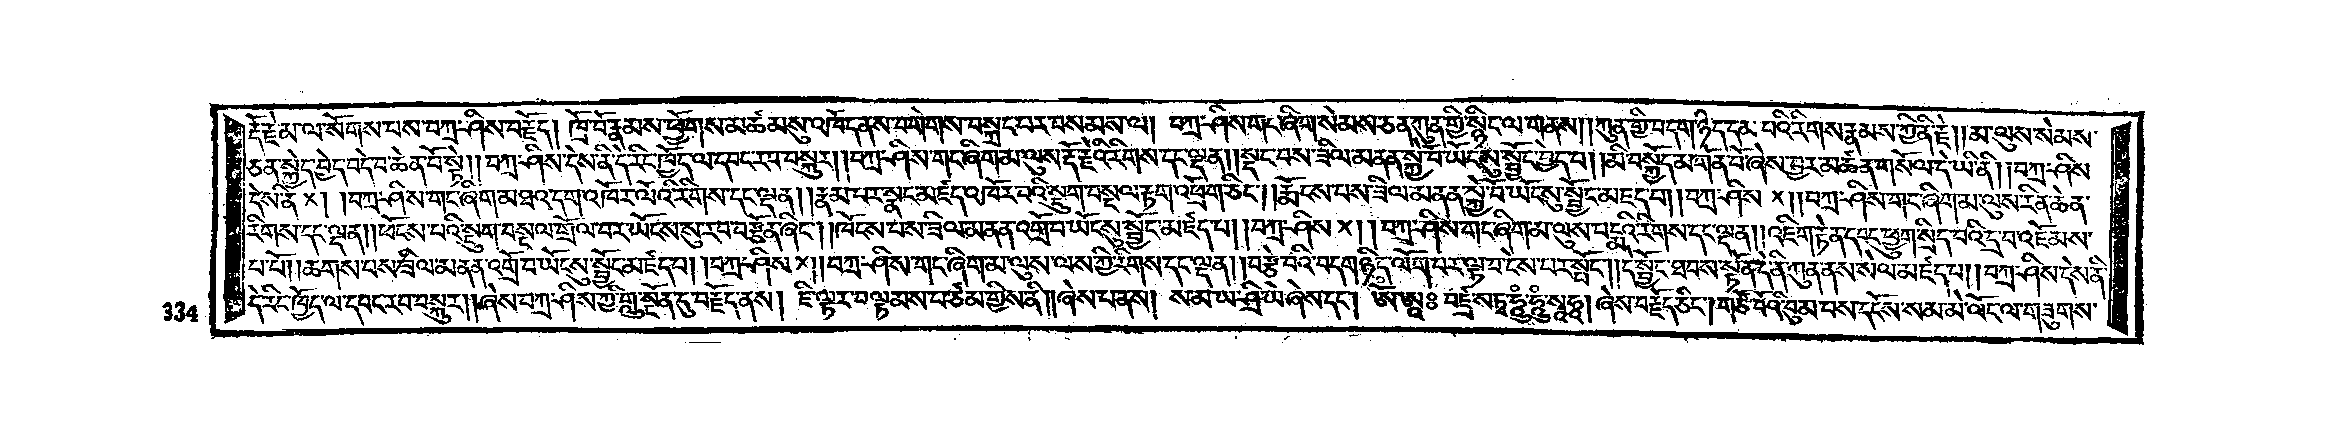རྡོ་རྗེ་མ་ལ་སོགས་པས་བཀྲ་ཤིས་བརྗོད། ཁྲོ་བོ་རྣམས་ཕྱོགས་མཚམས་སུ་འཁོད་ནས་བགེགས་བསྐྲད་བར་བསམས་ལ། བཀྲ་ཤིས་གང་ཞིག་སེམས་ཅན་ཀུན་གྱི་སྙིང་ལ་གནས། །ཀུན་གྱི་བདག་ཉིད་དམ་པའི་རིགས་རྣམས་ཀྱི་ནི་རྗེ། །མ་ལུས་སེམས་
ཅན་སྐྱེད་བྱེད་བདེ་བ་ཆེན་པོ་སྟེ། །བཀྲ་ཤིས་དེས་ནི་དེ་རིང་ཁྱོད་ལ་དབང་རབ་བསྐུར། །བཀྲ་ཤིས་གང་ཞིག་མ་ལུས་རྡོ་རྗེའི་རིགས་དང་ལྡན། །སྡང་བས་ཟིལ་མནན་སྐྱེ་བོ་ཡོངས་སུ་སྦྱོང་བྱེད་པ། །མི་བསྐྱོད་མགོན་པོ་ཞེས་བྱར་མཚན་གསོལ་དེ་ཡི་ནི། །བཀྲ་ཤིས་
དེས་ནི་྾། །བཀྲ་ཤིས་གང་ཞིག་མཐའ་དག་འཁོར་ལོའི་རིགས་དང་ལྡན། །རྣམ་པར་སྣང་མཛད་འཁོར་བའི་སྡུག་བསྔལ་རྟག་འཕྲོག་ཅིང་། །རྨོངས་པས་ཟིལ་མནན་སྐྱེ་བོ་ཡོངས་སུ་སྦྱོང་མཛད་པ། །བཀྲ་ཤིས་྾། །བཀྲ་ཤིས་གང་ཞིག་མ་ལུས་རིན་ཆེན་
རིགས་དང་ལྡན། །ཕོངས་པའི་སྡུག་བསྔལ་གྲོལ་བར་ཡོངས་སུ་རབ་བརྩོན་ཞིང་། །ཁེངས་པས་ཟིལ་མནན་འགྲོ་བ་ཡོངས་སུ་སྦྱོང་མཛད་པ། །བཀྲ་ཤིས་྾། །བཀྲ་ཤིས་གང་ཞིག་མ་ལུས་པདམའི་རིགས་དང་ལྡན། །འཇིག་རྟེན་དབང་ཕྱུག་སྲིད་པའི་དྲ་བ་འཇོམས་
པ་པོ། །ཆགས་པས་ཟིལ་མནན་འགྲོ་བ་ཡོངས་སུ་སྦྱོང་མཛད་པ། །བཀྲ་ཤིས་྾། །བཀྲ་ཤིས་གང་ཞིག་མ་ལུས་ལས་ཀྱི་རིགས་དང་ལྡན། །བརྩེ་བའི་བདག་ཉིད་ལོག་པར་ལྟ་བ་ངེས་པར་སྤོང་། །དེ་སྦྱོང་ཐབས་སྟོན་དེ་ནི་ཀུན་ནས་སེལ་མཛད་པ། །བཀྲ་ཤིས་དེས་ནི་
དེ་རིང་ཁྱོད་ལ་དབང་རབ་བསྐུར། །ཞེས་བཀྲ་ཤིས་ཀྱི་གླུ་སྔོན་དུ་བརྗོད་ནས། ཇི་ལྟར་བལྟམས་པ་ཙམ་གྱིས་ནི། །ཞེས་པ་ནས། ས་མ་ཡ་ཤྲི་ཡེ་ཞེས་དང་། ཨོཾ་ཨཱཿ བཛྲ་སཏྭ་ཧཱུཾ་ཧཱུཾ་སྭཱ་ཧཱ། ཞེས་བརྗོད་ཅིང་། གཙོ་བོའི་བུམ་པས་དངོས་སམ་མེ་ལོང་ལ་གཟུགས་